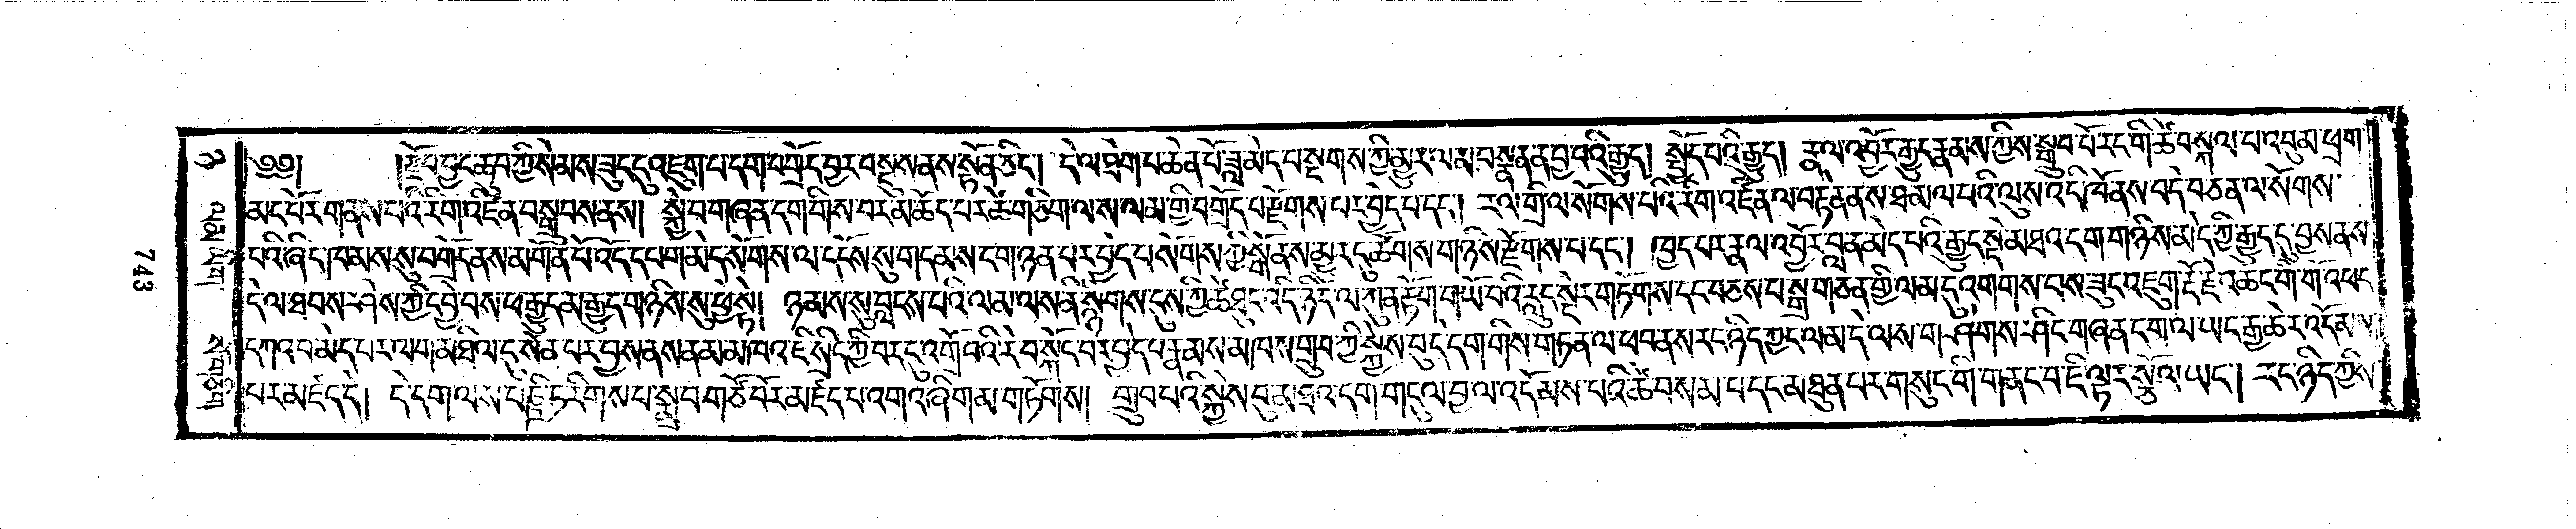༄༅། །རྫོབ་བྱང་ཆུབ་ཀྱི་སེམས་ཟུང་དུ་འཇུག་པ་དག་བགྲོད་བྱར་བསྡུས་ནས་སྟོན་ཅིང་། དེ་ལ་ཐེག་པ་ཆེན་པོ་ཟླ་མེད་པ་སྔགས་ཀྱི་མྱུར་ལམ་བསྣན་ན་བྱ་བའི་རྒྱུད། སྤྱོད་པའི་རྒྱུད། རྣལ་འབྱོར་རྒྱུད་རྣམས་ཀྱིས་སྒྲུབ་པོ་རང་གི་ཚེ་བསྐལ་པ་འབུམ་ཕྲག་
མང་པོར་གནས་པའི་རིག་འཛིན་བསྒྲུབས་ནས། སྐྱེ་བ་གཞན་དག་གིས་བར་མཆོད་པར་ཚེ་གཅིག་ལས་ལམ་གྱི་བགྲོད་པ་རྫོགས་པར་བྱེད་པ་དང་། རལ་གྲི་ལ་སོགས་པའི་རིག་འཛིན་ལ་བརྟེན་ནས་ཐ་མལ་པའི་ལུས་འདི་ཁོ་ནས་བདེ་བ་ཅན་ལ་སོགས་
པའི་ཞིང་ཁམས་སུ་བགྲོད་ནས་མགོན་པོ་འོད་དཔག་མེད་སོགས་ལ་དངོས་སུ་གདམས་ངག་ཉན་པར་བྱེད་པ་སོགས་ཀྱི་སྒོ་ནས་མྱུར་དུ་ཚོགས་གཉིས་རྫོགས་པ་དང་། ཁྱད་པར་རྣལ་འབྱོར་བླ་ན་མེད་པའི་རྒྱུད་སྡེ་མཐའ་དག་གཉིས་མེད་ཀྱི་རྒྱུད་དུ་བྱས་ནས་
དེ་ལ་ཐབས་ཤེས་ཀྱི་དབྱེ་བས་ཕ་རྒྱུད་མ་རྒྱུད་གཉིས་སུ་ཕྱེ་སྟེ། ཉམས་སུ་བླངས་པའི་ལམ་ལས་ནི་སྙིགས་དུས་ཀྱི་ཚེ་ཐུང་འདི་ཉིད་ལ་ཀུན་རྟོག་གཡོ་བའི་རླུང་སྔེར་གཏོགས་དང་བཅས་པ་སྒྲ་གཅན་གྱི་ལམ་དུ་འགགས་པས་ཟུང་འཇུག་རྡོ་རྗེ་འཆང་གི་གོ་འཕང་
དཀའ་བ་མེད་པར་ལག་མཐིལ་དུ་སོན་པར་བྱས་ནས་ནམ་མཁའ་ཇི་སྲིད་ཀྱི་བར་དུ་འགྲོ་བའི་རེ་བ་སྐོང་པར་བྱེད་པ་རྣམས་མཁས་གྲུབ་ཀྱི་སྐྱེས་བུ་དེ་དག་གིས་གཏན་ལ་ཕབ་ནས་རང་ཉིད་ཀྱང་ལམ་དེ་ལས་གཤེགས་ཤིང་གཞན་དག་ལ་ཡང་རྒྱ་ཆེར་འདོམས་
པར་མཛད་དེ། དེ་དག་ལས་པཎྜི་ཏ་རིགས་པ་སྨྲ་བ་གཙོ་བོར་མཛད་པ་འགའ་ཞིག་མ་གཏོགས། གྲུབ་པའི་སྐྱེས་བུ་མཐའ་དག་གདུལ་བྱ་ལ་འདོམས་པའི་ཚེ་བསམ་པ་དང་མཐུན་པར་གསུང་གི་གནང་བ་ཇི་ལྟར་སྩོལ་ཡང་། རང་ཉིད་ཀྱིས་